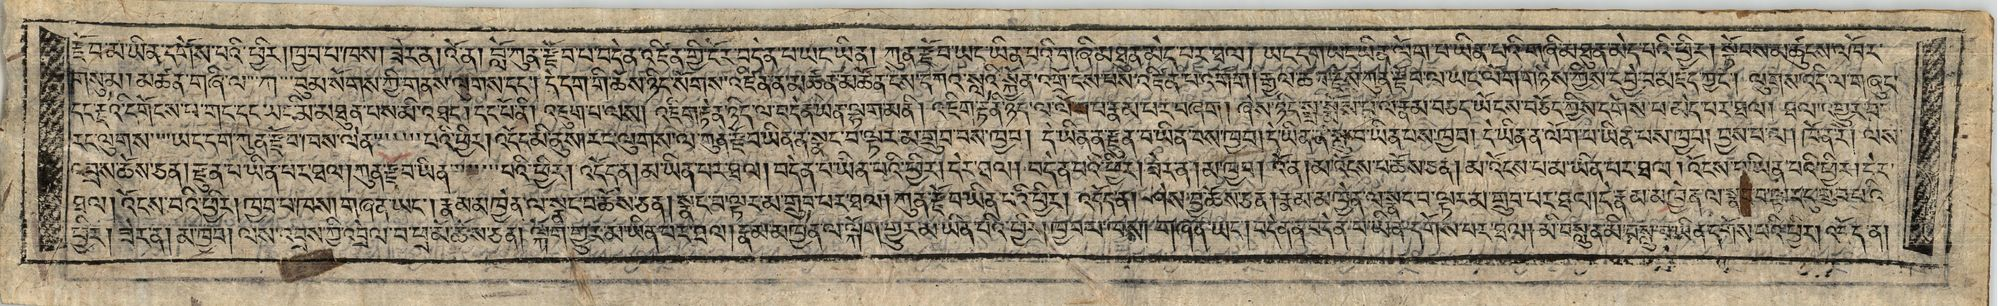རྫོབ་མ་ཡིན་དགོས་པའི་ཕྱིར། ཁྱབ་པ་ཁས། ཟེར་ན། འོ་ན། བློ་ཀུན་རྫོབ་པ་བདེན་འཛིན་གྱི་ངོར་བདེན་པ་ཡང་ཡིན། ཀུན་རྫོབ་ཡང་ཡིན་པའི་གཞི་མཐུན་མེད་པར་ཐལ། ཡང་དག་ཡང་ཡིན་ལོག་པ་ཡིན་པའི་གཞི་མཐུན་མེད་པའི་ཕྱིར། སྟོབས་མཚུངས་འཁོར་
གསུམ། མཚན་གཞི་ལ་ཀ་བུམ་སོགས་ཀྱི་གནས་ལུགས་དང་། དེ་དག་གི་ཆོས་ཉིད་སོགས་འཛིན་ན་མཚན་མཚོན་ངེས་དཀའ་སླའི་སྐྱོན་འགྲོ་ངེས་པས་འཛིན་པ་འགོག །རྒྱལ་ཚབ་རྗེས་ཀུན་རྫོབ་ལ་ཡང་ལོག་གཉིས་ཀྱིས་དབྱེ་བ་མཛད་ཀྱང་། ལུགས་འདི་ལ་གཞུང་
དང་རྗེའི་དགོངས་པ་གང་དང་ཡང་མི་མཐུན་པས་མི་འཐད། དང་པོ་ནི། འཇུག་པ་ལས། འཇིག་རྟེན་ཉིད་ལ་བདེན་ཡིན་ལྷག་མ་ནི། འཇིག་རྟེན་ཉིད་ལ་ལོག་པ་རྣམ་པར་བཞག །ཞེས་ཉིད་སྒྲ་སྨོས་པ་ལ་རྣམ་བཅད་ཡོངས་བཅོདཀྱིས་དགོས་པ་མེད་པར་ཐལ། ཐལ་འགྱུར་བ་
རང་ལུགས་ལ་ཡང་དག་ཀུན་རྫོབ་ཁས་ལེན་པའི་ཕྱིར། འདོད་མི་ནུས། རང་ལུགས་ལ་ཀུན་རྫོབ་ཡིན་ན་སྣང་བ་ལྟར་མ་གྲུབ་པས་ཁྱབ། དེ་ཡིན་ན་རྫུནྤ་ཡིན་བས་ཁྱབ། དེ་ཡིན་ན་སླུ་བ་ཡིན་པས་ཁྱབ། དེ་ཡིན་ན་ལོག་པ་ཡིན་པས་ཁྱབ། བྱས་པ་ལ། ཁོ་ན་རེ། ལས་
འབྲས་ཆོས་ཅན། རྫུནྤ་ཡིན་པར་ཐལ། ཀུན་རྫོབ་ཡིན་པའི་ཕྱིར། འདོད་ན། མ་ཡིན་པར་ཐལ། བདེན་པ་ཡིན་པའི་ཕྱིར། དེར་ཐལ། བདེན་པའི་ཕྱིར། ཟེར་ན། མ་ཁྱབ། འོ་ན། མ་འོངས་པ་ཆོས་ཅན། མ་འོངས་པ་མ་ཡིན་པར་ཐལ། འོངས་པ་ཡིན་པའི་ཕྱིར། དེར་
ཐལ། འོངས་པའི་ཕྱིར། ཁྱབ་པ་ཁས། གཞན་ཡང་། རྣམ་མཁྱེན་ལ་སྣང་བ་ཆོས་ཅན། སྣང་བ་ལྟར་མ་གྲུབ་པར་ཐལ། ཀུན་རྫོབ་ཡིན་པའི་ཕྱིར། འདོད་ན། ཤེས་བྱ་ཆོས་ཅན། རྣམ་མཁྱེན་ལ་སྣང་བ་ལྟར་མ་གྲུབ་པར་ཐལ། དེ་རྣམ་མཁྱེན་ལ་སྣང་བ་ལྟར་དུ་གྲུབ་པའི་
ཕྱིར། ཟེར་ན། མ་ཁྱབ། ལས་འབྲས་ཀྱི་འབྲེལ་བ་ཕྲ་མོ་ཆོས་ཅན། ལྐོག་གྱུར་མ་ཡིན་པར་ཐལ། རྣམ་མཁྱེན་ལ་ལྐོག་གྱུར་མ་ཡིན་པའི་ཕྱིར། ཁྱབ་པ་ཁས། གཞན་ཡང་། བདེན་ན་བདེན་པ་ཡིན་དགོས་པར་ཐལ། མི་བསླུ་ན་མི་བསླུ་བ་ཡིན་དགོས་པའི་ཕྱིར། འདོད་ན།